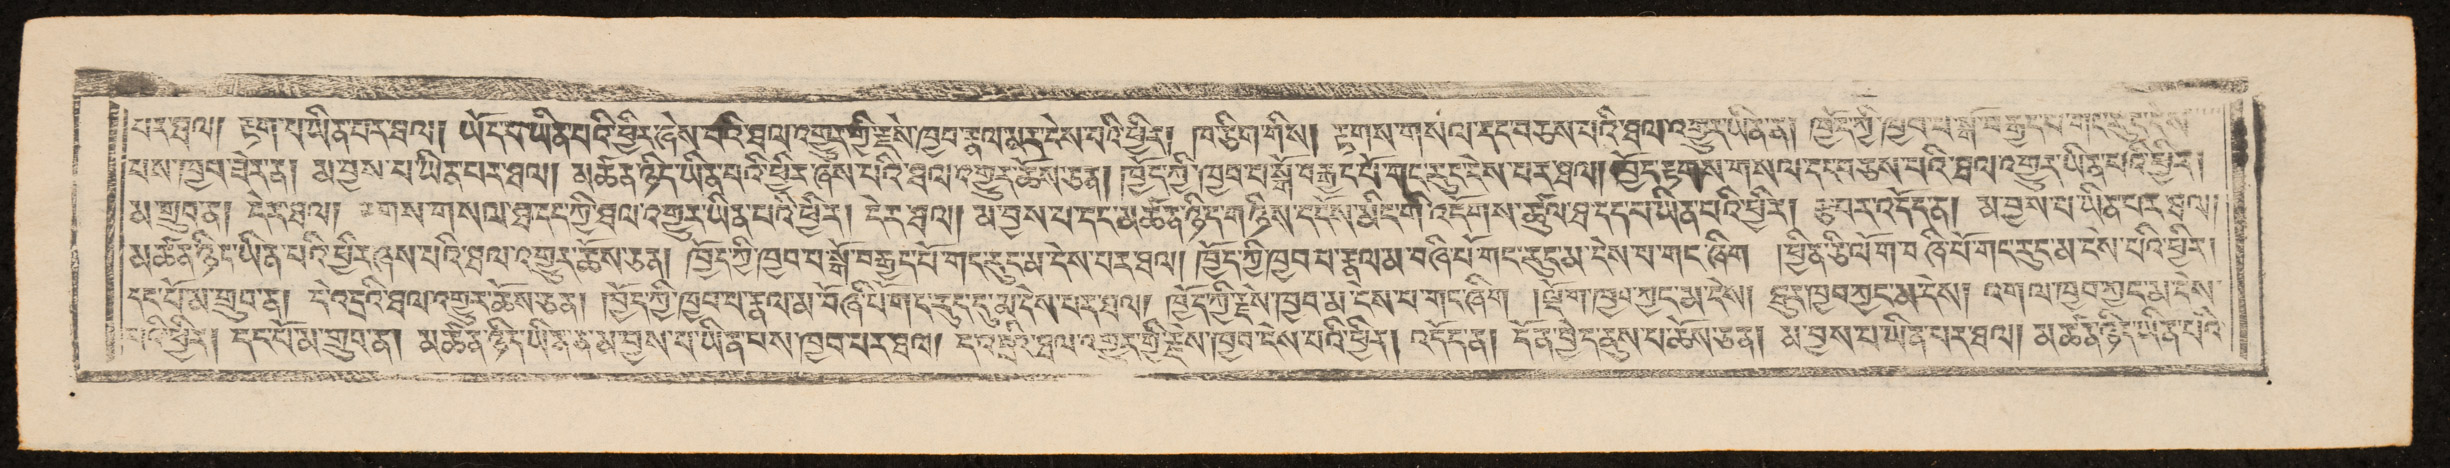པར་ཐལ། རྟག་པ་ཡིན་པར་ཐལ། ཡོད་པ་ཡིན་པའི་ཕྱིར་ཞེས་པའི་ཐལ་འགྱུར་གྱི་རྗེས་ཁྱབ་རྣལ་མར་ངེས་པའི་ཕྱིར། ཁ་ཅིག་གིས། རྟགས་གསལ་དང་བཅས་པའི་ཐལ་འགྱུར་ཡིན་ན། ཁྱོད་ཀྱི་ཁྱབ་པ་སྒོ་བརྒྱད་པོ་གང་རུང་ངེས་
པས་ཁྱབ་ཟེར་ན། མ་བྱས་པ་ཡིན་པར་ཐལ། མཚན་ཉིད་ཡིན་པའི་ཕྱིར་ཞེས་པའི་ཐལ་འགྱུར་ཆོས་ཅན། ཁྱོད་ཀྱི་ཁྱབ་པ་སྒོ་བརྒྱད་པོ་གང་རུང་ངེས་པར་ཐལ། ཁྱོད་རྟགས་གསལ་དང་བཅས་པའི་ཐལ་འགྱུར་ཡིན་པའི་ཕྱིར།
མ་གྲུབ་ན། དེར་ཐལ། རྟགས་གསལ་ཐ་དད་ཀྱི་ཐལ་འགྱུར་ཡིན་པའི་ཕྱིར། དེར་ཐལ། མ་བྱས་པ་དང་མཚན་ཉིད་གཉིས་དངོས་མིང་གི་འདོགས་ཚུལ་ཐ་དད་པ་ཡིན་པའི་ཕྱིར། རྩ་བར་འདོད་ན། མ་བྱས་པ་ཡིན་པར་ཐལ།
མཚན་ཉིད་ཡིན་པའི་ཕྱིར་ཞེས་པའི་ཐལ་འགྱུར་ཆོས་ཅན། ཁྱོད་ཀྱི་ཁྱབ་པ་སྒོ་བརྒྱད་པོ་གང་རུང་མ་ངེས་པར་ཐལ། ཁྱོད་ཀྱི་ཁྱབ་པ་རྣལ་མ་བཞི་པོ་གང་རུང་མ་ངེས་པ་གང་ཞིག། ཕྱིན་ཅི་ལོག་བཞི་པོ་གང་རུང་མ་ངེས་པའི་ཕྱིར།
དང་པོ་མ་གྲུབ་ན། དེ་འདྲའི་ཐལ་འགྱུར་ཆོས་ཅན། ཁྱོད་ཀྱི་ཁྱབ་པ་རྣལ་མ་བཞི་པོ་གང་རུང་དུ་མ་ངེས་པར་ཐལ། ཁྱོད་ཀྱི་རྗེས་ཁྱབ་མ་ངེས་པ་གང་ཞིག། ལྡོག་ཁྱབ་ཀྱང་མ་ངེས། ཐུར་ཁྱབ་ཀྱང་མ་ངེས། འགལ་ཁྱབ་ཀྱང་མ་ངེས་
པའི་ཕྱིར། དང་པོ་མ་གྲུབ་ན། མཚན་ཉིད་ཡིན་ན་མ་བྱས་པ་ཡིན་པས་ཁྱབ་པར་ཐལ། དེ་འདྲའི་ཐལ་འགྱུར་གྱི་རྗེས་ཁྱབ་ངེས་པའི་ཕྱིར། འདོད་ན། དོན་བྱེད་ནུས་པ་ཆོས་ཅན། མ་བྱས་པ་ཡིན་པར་ཐལ། མཚན་ཉིད་ཡིན་པའི་